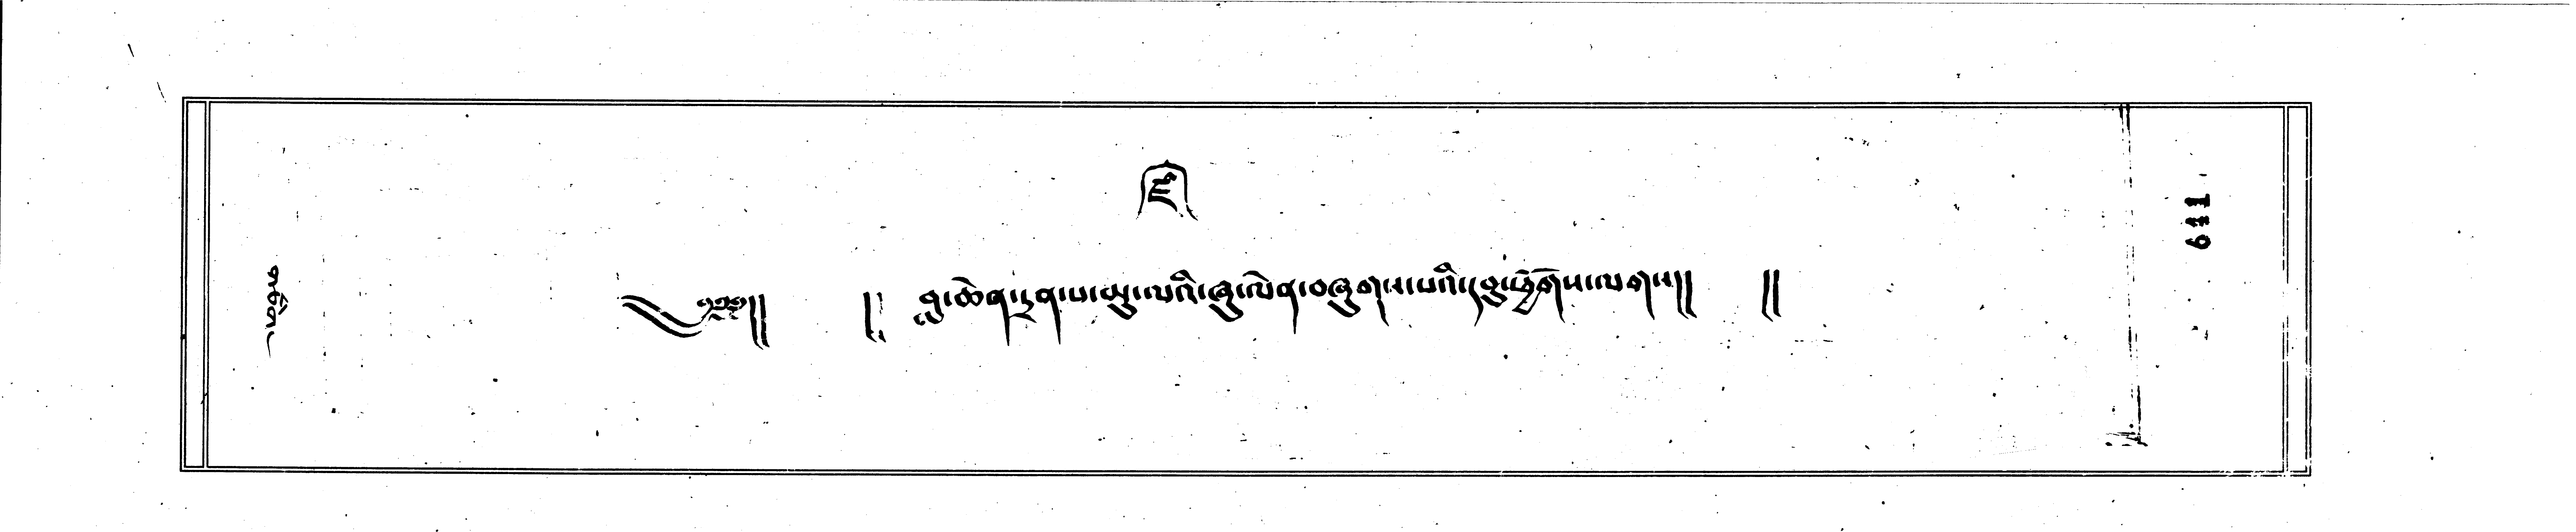༼ཛ༽།།བླ་ཆེན་དྲན་པ་མུ་ལའི་ཞུ་ལེན་བཞུགས་པའི་དབུ་ཕྱོགས་ལགས།།